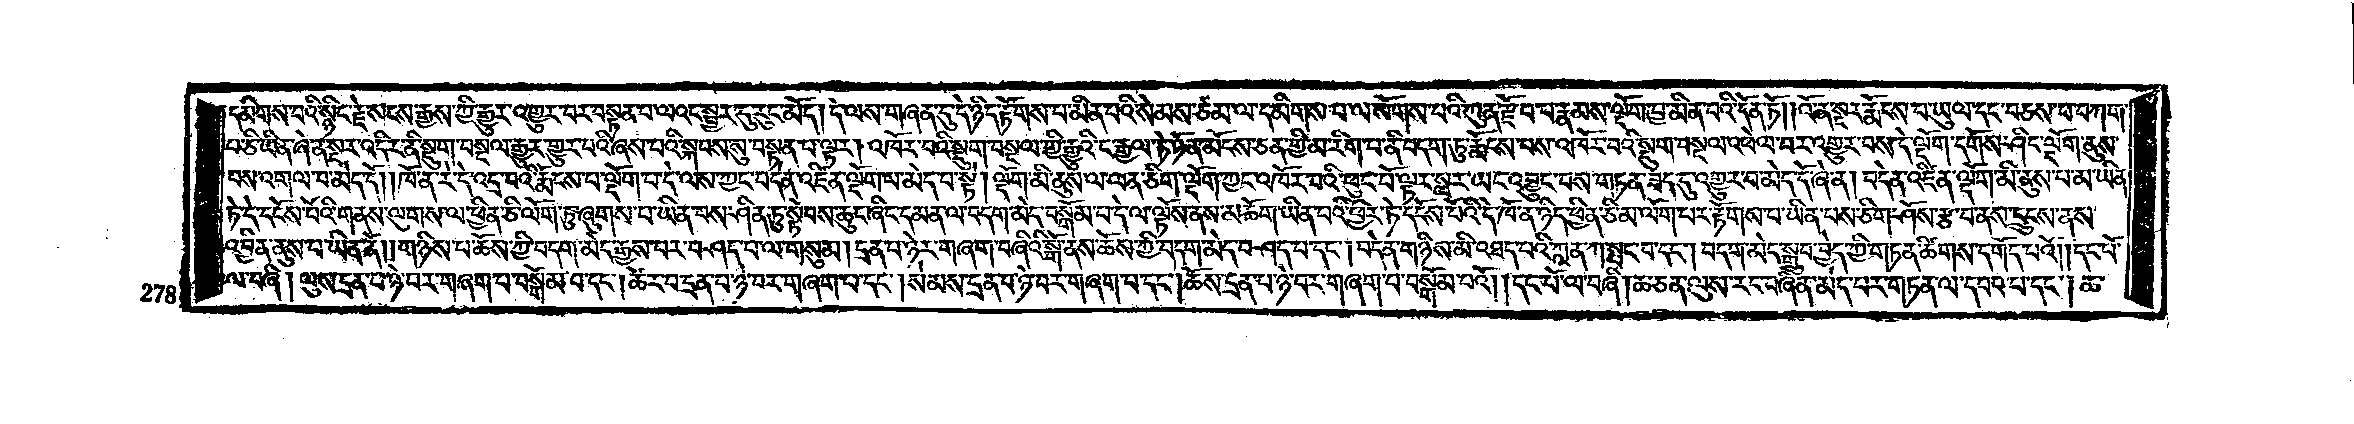དམིགས་པའི་སྙིང་རྗེ་སངས་རྒྱས་ཀྱི་རྒྱུར་འགྱུར་པར་བསྟན་པ་ལའང་སྦྱར་དུ་རུང་མོད། དེ་ལས་གཞན་དུ་དེ་ཉིད་རྟོགས་པ་མིན་པའི་སེམས་ཙམ་ལ་དམིགས་པ་ལ་སོགས་པའི་ཀུན་རྫོབ་པ་རྣམས་ལྡོག་བྱ་མིན་པའི་དོན་ཏོ། །འོ་ན་སྔར་རྨོངས་པ་ཡུལ་དང་བཅས་པ་བཀག་
པ་ཅི་ཡིན་ཞེ་ན་སྔར་འདིར་ནི་སྡུག་བསྔལ་རྒྱུར་གྱུར་པའི་ཞེས་པའི་སྐབས་སུ་བསྟན་པ་ལྟར། འཁོར་བའི་སྡུག་བསྔལ་གྱི་རྒྱུའི་ང་རྒྱལ་ཏེ་ཉོན་མོངས་ཅན་གྱི་མ་རིག་པ་ནི་བདག་ཏུ་རྨོངས་པས་འཁྲོ་བའི་སྡུག་བསྔལ་འཕེལ་བར་འགྱུར་བས་དེ་ལྡོག་དགོས་ཤིང་ལྡོག་ནུས་
པས་འགལ་བ་མེད་དོ། །ཁོ་ན་རེ་དེ་འདྲ་བའི་རྨོངས་པ་ལྡོག་པ་དེ་ལས་ཀྱང་བདེན་འཛིན་ལྡོག་པ་མེད་པ་སྟེ། ལྡོག་མི་ནུས་ལ་ལན་ཅིག་ལྡོག་ཀྱང་འཁོར་བའི་ཕུང་པོ་ལྟར་སླར་ཡང་འབྱུང་བས་གཏན་ཟད་དུ་འགྱུར་བ་མེད་དོ་ཞེ་ན། བདེན་འཛིན་ལྡོག་མི་ནུས་པ་མ་ཡིན་
ཏེ་དེ་དངོས་པོའི་གནས་ལུགས་ལ་ཕྱིན་ཅི་ལོག་ཏུ་ཞུགས་པ་ཡིན་པས་ཤིན་ཏུ་སྟེབས་ཆུང་ཞིང་དམན་ལ་བདག་མེད་བསྒོམ་པ་དེ་ལ་ལྟོས་ནས་མཆོག་ཡིན་པའི་ཕྱིར་ཏེ་དངོས་པོའི་དེ་ཁོ་ན་ཉིད་ཕྱིན་ཅི་མ་ལོག་པར་རྟོགས་པ་ཡིན་པས་ཅིག་ཤོས་རྩ་བ་ནས་དྲུངས་ནས་
འབྱིན་ནུས་པ་ཡིན་ནོ། །གཉིས་པ་ཆོས་ཀྱི་བདག་མེད་རྒྱས་པར་བཤད་པ་ལ་གསུམ། དྲན་པ་ཉེར་གཞག་བཞིའི་སྒོ་ནས་ཆོས་ཀྱི་བདག་མེད་བཤད་པ་དང་། བདེན་གཉིས་མི་འཐད་པའི་ཀླན་ཀ་སྤང་བ་དང་། བདག་མེད་སྒྲུབ་བྱེད་ཀྱི་གཏན་ཚིགས་དགོད་པའོ། །དང་པོ་
ལ་བཞི། ལུས་དྲན་པ་ཉེ་བར་གཞག་པ་བསྒོམ་པ་དང་། ཚེར་བ་དྲན་པ་ཉེ་བར་གཞག་པ་དང་། སེམས་དྲན་པ་ཉེ་བར་གཞག་པ་དང་། ཆོས་དྲན་པ་ཉེ་བར་གཞག་པ་བསྒོམ་པའོ། །དང་པོ་ལ་བཞི། ཆ་ཅན་ལུས་རང་བཞིན་མེད་པར་གཏན་ལ་དབབ?་པ་དང་། ཆ་